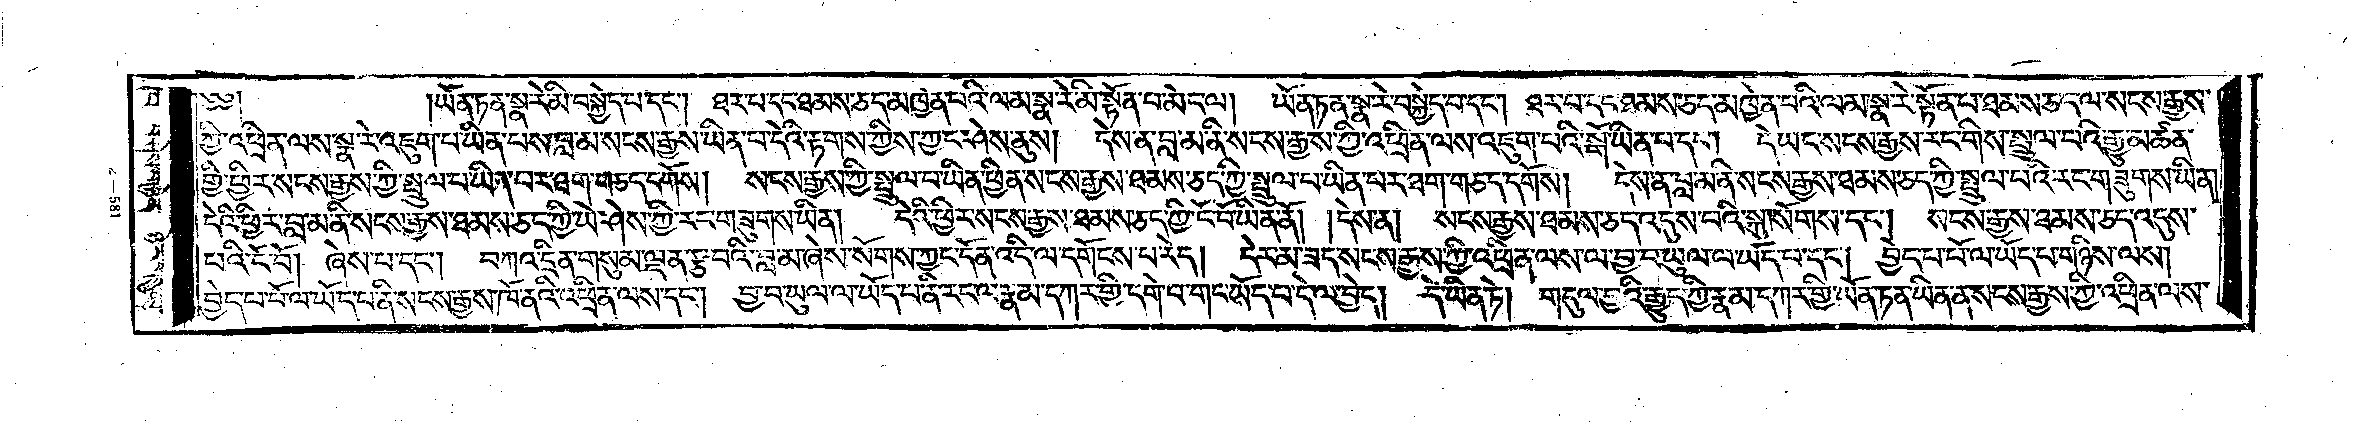༄༅། །ཡོན་ཏན་སྣ་རེ་མི་བསྐྱེད་པ་དང་། ཐར་པ་དང་ཐམས་ཅད་མཁྱེན་པའི་ལམ་སྣ་རེ་མི་སྟོན་པ་མེད་ལ། ཡོན་ཏན་སྣ་རེ་བསྐྱེད་པ་དང་། ཐར་པ་དང་ཐམས་ཅད་མཁྱེན་པའི་ལམ་སྣ་རེ་སྟོན་པ་ཐམས་ཅད་ལ་སངས་རྒྱས་
ཀྱི་འཕྲིན་ལས་སྣ་རེ་འཇུག་པ་ཡིན་པས་བླ་མ་སངས་རྒྱས་ཡིན་པ་དེའི་རྟགས་ཀྱིས་ཀྱང་ཤེས་ནུས། དེས་ན་བླ་མ་ནི་སངས་རྒྱས་ཀྱི་འཕྲིན་ལས་འཇུག་པའི་སྒོ་ཡིན་པ་དང་། དེ་ཡང་སངས་རྒྱས་རང་གིས་སྤྲུལ་པའི་རྒྱུ་མཚན་
ཀྱི་ཕྱིར་སངས་རྒྱས་ཀྱི་སྤྲུལ་པ་ཡིན་པར་ཐག་གཅད་དགོས། སངས་རྒྱས་ཀྱི་སྤྲུལ་པ་ཡིན་ཕྱིན་སངས་རྒྱས་ཐམས་ཅད་ཀྱི་སྤྲུལ་པ་ཡིན་པར་ཐག་གཅད་དགོས། དེས་ན་བླ་མ་ནི་སངས་རྒྱས་ཐམས་ཅད་ཀྱི་སྤྲུལ་པའི་རང་གཟུགས་ཡིན།
དེའི་ཕྱིར་བླ་མ་ནི་སངས་རྒྱས་ཐམས་ཅད་ཀྱི་ཡེ་ཤེས་ཀྱི་རང་གཟུགས་ཡིན། དེའི་ཕྱིར་སངས་རྒྱས་ཐམས་ཅད་ཀྱི་ངོ་བོ་ཡིན་ནོ། །དེས་ན། སངས་རྒྱས་ཐམས་ཅད་འདུས་པའི་སྐུ་སོགས་དང་། སངས་རྒྱས་ཐམས་ཅད་འདུས་
པའི་ངོ་བོ། ཞེས་པ་དང་། བཀའ་དྲིན་གསུམ་ལྡན་རྩ་བའི་བླ་མ་ཞེས་སོགས་ཀྱང་དོན་འདི་ལ་དགོངས་པ་རེད། དེར་མ་ཟད་སངས་རྒྱས་ཀྱི་འཕྲིན་ལས་ལ་བྱ་བ་ཡུལ་ལ་ཡོད་པ་དང་། བྱེད་པ་པོ་ལ་ཡོད་པ་གཉིས་ལས།
བྱེད་པ་པོ་ལ་ཡོད་པ་ནི་སངས་རྒྱས་ཁོ་ནའི་འཕྲིན་ལས་དང་། བྱ་བ་ཡུལ་ལ་ཡོད་པ་ནི་རང་ལ་རྣམ་དཀར་གྱི་དགེ་བ་གང་ཡོད་པ་དེ་ལ་བྱེད། དེ་ཡིན་ཏེ། གདུལ་བྱའི་རྒྱུད་ཀྱི་རྣམ་དཀར་གྱི་ཡོན་ཏན་ཡིན་ན་སངས་རྒྱས་ཀྱི་འཕྲིན་ལས་